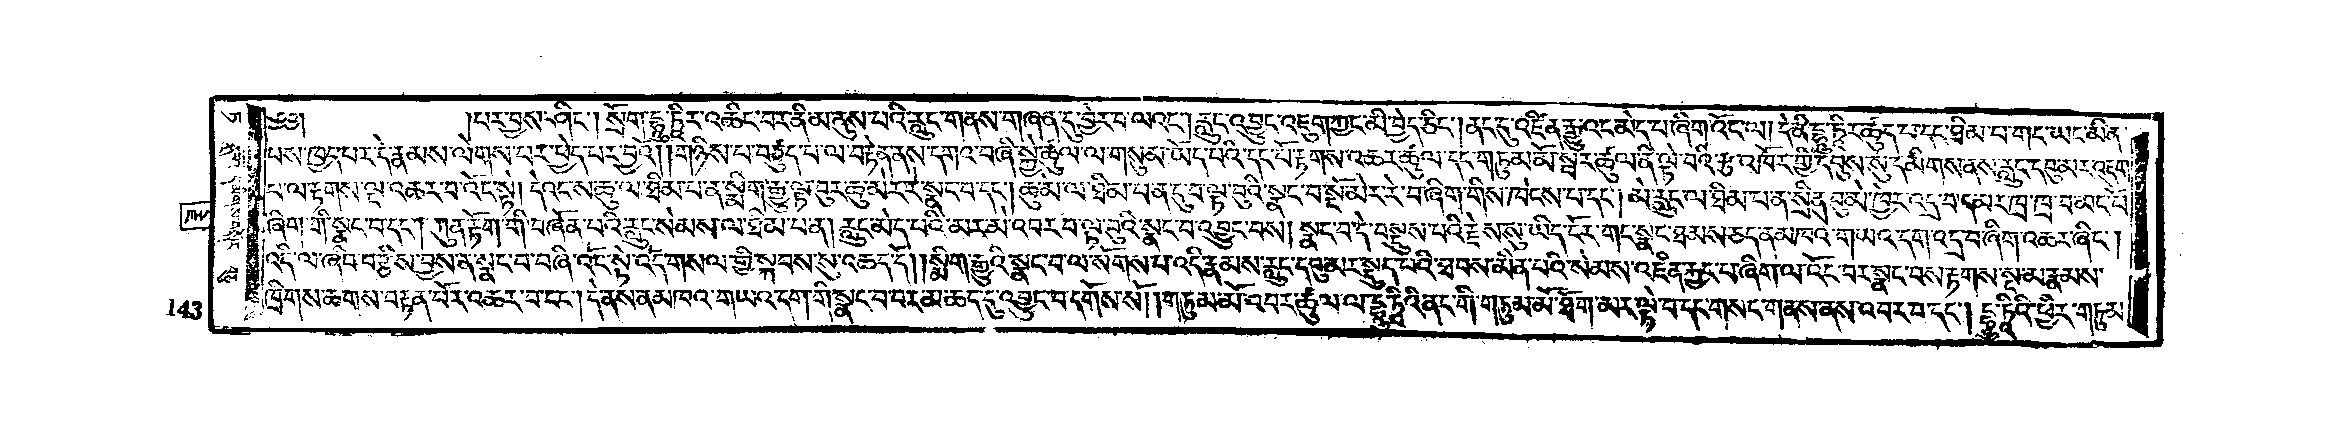༄༅། །པར་བྱས་ཤིང་། སྲོག་དྷཱུ་ཏཱིར་འཆིང་བར་ནི་མ་ནུས་པའི་རླུང་གནས་གཞན་དུ་བྱེར་བ་ལའང་། རླུང་འབྱུང་འཇུག་ཀྱང་མི་བྱེད་ཅིང་། ནང་དུ་འཛིན་རྒྱུ་འང་མེད་པ་ཞིག་འོང་ལ། དེ་ནི་དྷཱུ་ཏཱིར་ཚུད་པ་དང་ཐིམ་པ་གང་ཡང་མིན་
པས་ཁྱད་པར་དེ་རྣམས་ལེགས་པར་ཕྱེད་པར་བྱའོ། །གཉིས་པ་བཙུད་པ་ལ་བརྟེན་ནས་དགའ་བཞི་སྐྱེ་ཚུལ་ལ་གསུམ་ཡོད་པའི་དང་པོ་རྟགས་འཆར་ཚུལ་དང་གཏུམ་མོ་སྦར་ཚུལ་ནི་ལྟེ་བའི་རྩ་འཁོར་གྱི་དབུས་སུ་དམིགས་ནས་རླུང་དབུ་མར་འཇུག་
པ་ལ་རྟགས་ལྔ་འཆར་བ་འོང་སྟེ། དེའང་ས་ཆུ་ལ་ཐིམ་པ་ན་སྨིག་རྒྱུ་ལྟ་བུར་ཆུ་མེར་རེ་སྣང་བ་དང་། ཆུ་མེ་ལ་ཐིམ་པ་ན་དུ་བ་ལྟ་བུའི་སྣང་བ་སྔོ་མེར་རེ་བ་ཞིག་གིས་ཁེངས་པ་དང་། མེ་རླུང་ལ་ཐིམ་པ་ན་སྲིན་བུ་མེ་ཁྱེར་འདྲ་བ་དམར་ཁྲ་ཁྲ་བ་མང་པོ་
ཞིག་གི་སྣང་བ་དང་། ཀུན་རྟོག་གི་བཞོན་པའི་རླུང་སེམས་ལ་ཐིམ་པ་ན། རླུང་མེད་པའི་མར་མེ་འབར་བ་ལྟ་བུའི་སྣང་བ་འབྱུང་བས། སྣང་བ་དེ་བསྡུས་པའི་རྗེས་སུ་ཡིད་ངོར་གང་སྣང་ཐམས་ཅད་ནམ་མཁའ་གཡའ་དག་འདྲ་བ་ཞིག་འཆར་ཞིང་།
འདི་ལ་ཞིབ་བརྩིས་བྱས་ན་སྣང་བ་བཞི་འོང་སྟེ་འོད་གསལ་གྱི་སྐབས་སུ་འཆད་དོ། །སྨིག་རྒྱུའི་སྣང་བ་ལ་སོགས་པ་འདི་རྣམས་རླུང་དབུ་མར་སྡུད་པའི་ཐབས་མིན་པའི་སེམས་འཛིན་རྐྱང་པ་ཞིག་ལ་འོང་བར་སྣང་བས་རྟགས་སྔ་མ་རྣམས་
ཁྲིགས་ཆགས་བརྟན་པོར་འཆར་བ་དང་། དེ་ནས་ནམ་མཁའ་གཡའ་དག་གི་སྣང་བ་བར་མ་ཆད་དུ་འབྱུང་བ་དགོས་སོ། །གཏུམ་མོ་འབར་ཚུལ་ལ་དྷཱུ་ཏཱིའི་ནང་གི་གཏུམ་མོ་ཐོག་མར་ལྟེ་བ་དང་གསང་གནས་ནས་འབར་བ་དང་། དྷཱུ་ཏཱིའི་ཕྱིར་གཏུམ་